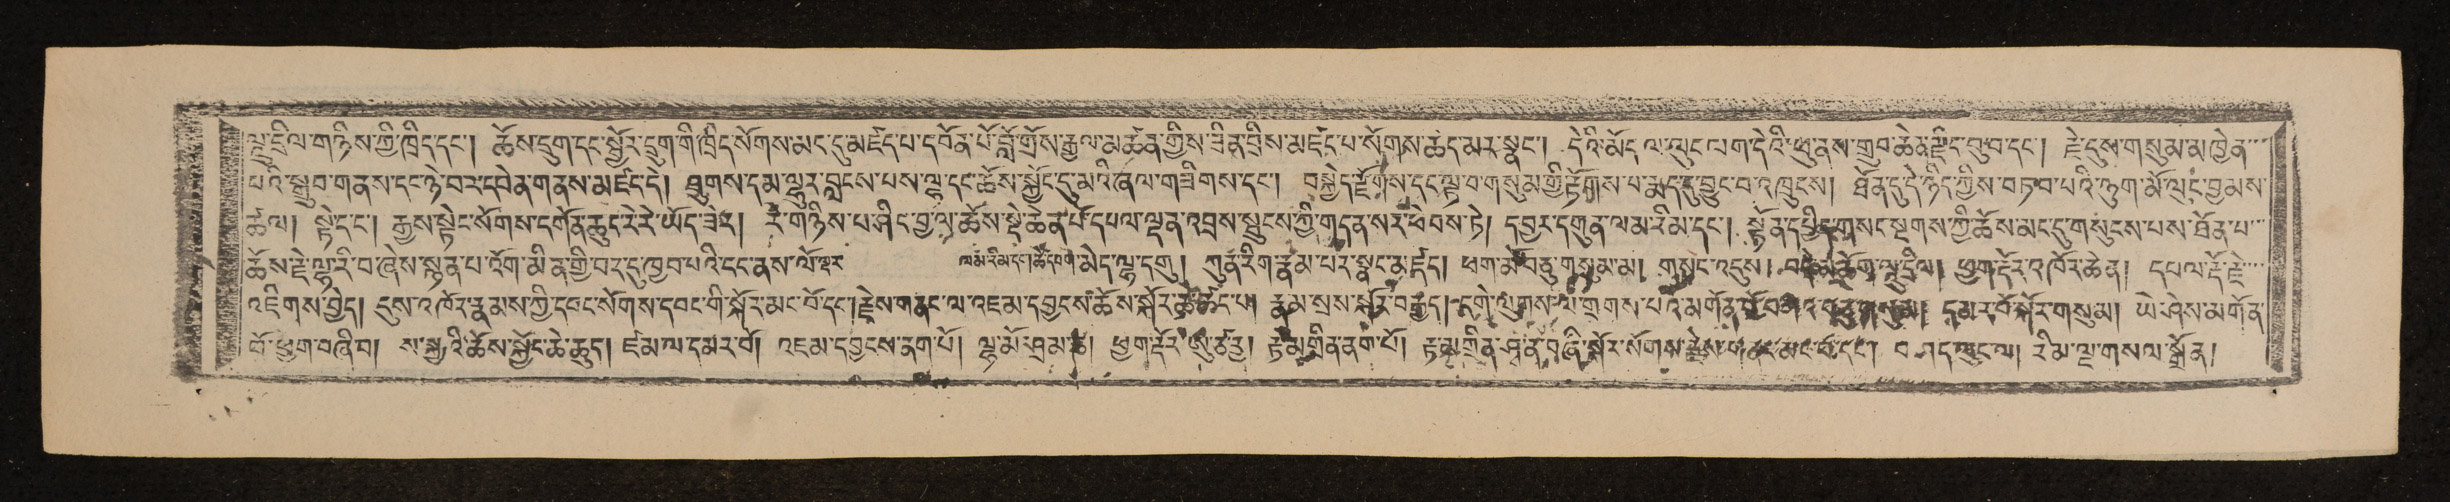ལཱུ་དྲིལ་གཉིས་ཀྱི་ཁྲིད་དང་། ཆོས་དྲུག་དང་སྦྱོར་དྲུག་གི་ཁྲིད་སོགས་མང་དུ་མཛད་པ་དབོན་པོ་བློ་གྲོས་རྒྱལ་མཚན་གྱིས་ཟིན་བྲིས་མཛད་པ་སོགས་ཚད་མར་སྣང་། དེའི་མོད་ལ་ལུང་ལག་དེའི་ཕུ་ནས་གྲུབ་ཆེན་རྫིང་བུ་བ་དང་། རྗེ་དུས་གསུམ་མཁྱེན་
པའི་སྒྲུབ་གནས་དང་ཉེ་བར་དབེན་གནས་མཛད་དེ། ཐུགས་དམ་ལྷུར་བླངས་པས་ལྷ་དང་ཆོས་སྐྱོང་དུ་མའི་ཞལ་གཟིགས་དང་། བསྐྱེད་རྫོགས་དང་ལྟ་བ་གསུམ་གྱི་རྟོགས་པ་རྨད་དུ་བྱུང་བ་འཁྲུངས། ཐོན་དུ་དེ་ཉིད་ཀྱིས་བཏབ་པའི་ཉུག་མོ་ལུང་བྱམས་
ཚལ། སྟེང་ང་། རྒྱས་སྟེང་སོགས་དགོན་ཆུང་རེ་རེ་ཡོད་ཟེར། རེ་གཉིས་པ་ཤིང་བྱ་ལ་ཆོས་སྡེ་ཆེན་པོ་དཔལ་ལྡན་འབྲས་སྤུངས་ཀྱི་གདན་སར་ཕེབས་ཏེ། དབྱར་དགུན་ལམ་རིམ་དང་། སྟོན་དཔྱིད་གསང་སྔགས་ཀྱི་ཆོས་མང་དུ་གསུངས་པས་ཐོན་པ་
ཆོས་རྗེ་ལྷ་རི་པ་ཞེས་སྙན་པ་འོག་མིན་གྱི་བར་དུ་ཁྱབ་པའི་ངང་ནས་ལོ་ལྔར་ལམ་རིམ་དང་། ཚེ་དཔག་མེད་ལྷ་དགུ། ཀུན་རིག་རྣམ་པར་སྣང་མཛད། ཕག་མོ་བཅུ་གསུམ་མ། གསང་འདུས། བདེ་མཆོག་ལཱུ་དྲིལ། ཕྱག་རྡོར་འཁོར་ཆེན། དཔལ་རྡོ་རྗེ་
འཇིགས་བྱེད། དུས་འཁོར་རྣམས་ཀྱི་དབང་སོགས་དབང་གི་སྐོར་མང་པོ་དང་། རྗེས་གནང་ལ་འཇམ་དབྱངས་ཆོས་སྐོར་ཆ་ཚང་བ། རྣམ་སྲས་སྒོར་བརྒྱད། དགེ་ལུགས་ལ་གྲགས་པའི་མགོན་པོ་བཀའ་བཅུ་གསུམ། དམར་པོ་སྐོར་གསུམ། ཡེ་ཤེས་མགོན་
པོ་ཕྱག་བཞི་པ། ས་སྐྱའི་ཆོས་སྐྱོང་ཆེ་ཆུང་། ཛམ་ལ་དམར་པོ། འཇམ་དབྱངས་ནག་པོ། ལྷ་མོ་ཤྲམ་ཎ། ཕྱག་རྡོར་ཨུ་ཙརྱ། རྟ་མགྲིན་ནག་པོ། རྟ་མགྲིན་ཤྭན་བཞི་སྐོར་སོགས་རྗེས་གནང་མང་པོ་དང་། བཤད་ལུང་ལ། རིམ་ལྔ་གསལ་སྒྲོན།